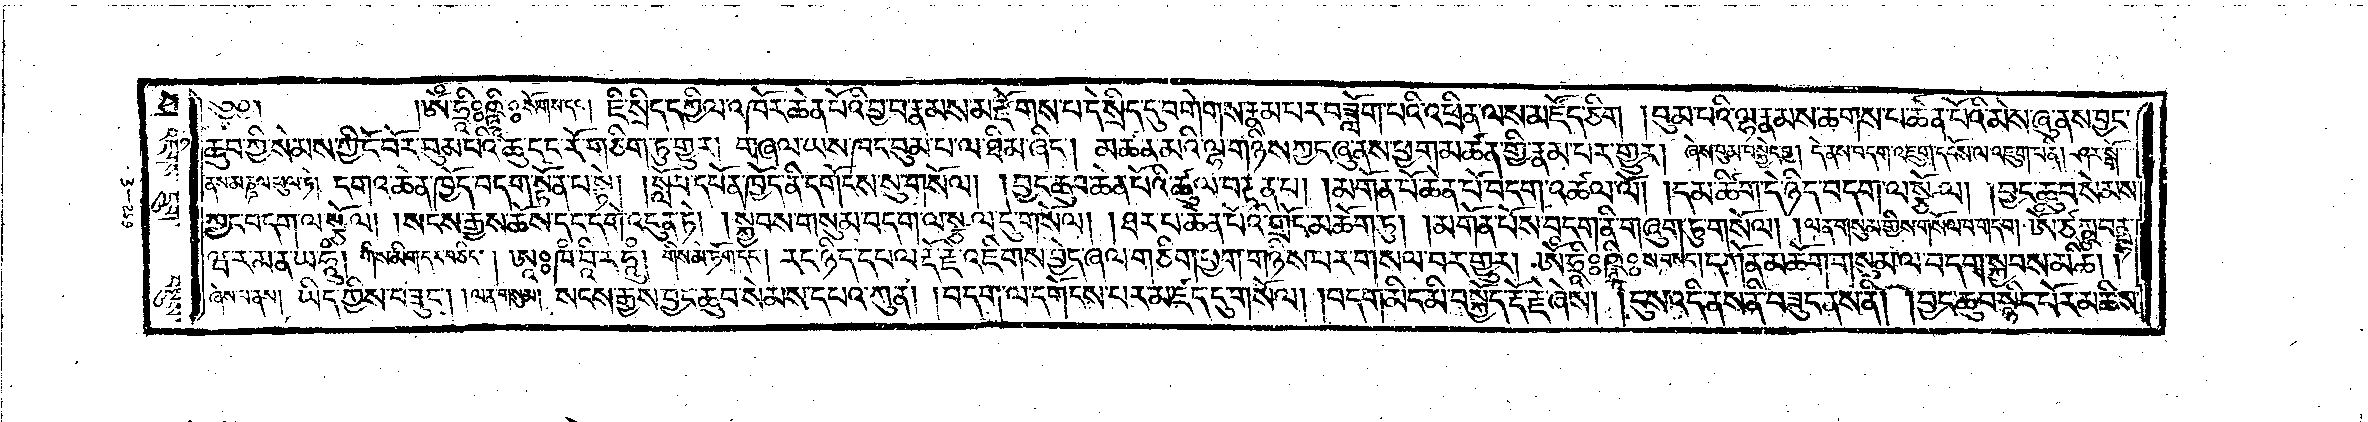༄༅། །ཨོཾ་ཧྲཱིཿཥྚྲཱིཿ སོགས་དང་།  ཇི་སྲིད་དཀྱིལ་འཁོར་ཆེན་པོའི་བྱ་བ་རྣམས་མ་རྫོགས་པ་དེ་སྲིད་དུ་བགེགས་རྣམ་པར་བཟློག་པའི་འཕྲིན་ལས་མཛོད་ཅིག །བུམ་པའི་ལྷ་རྣམས་ཆགས་པ་ཆེན་པོའི་མེས་ཞུ་ནས་བྱང་
ཆུབ་ཀྱི་སེམས་ཀྱི་ངོ་བོར་བུམ་པའི་ཆུ་དང་རོ་གཅིག་ཏུ་གྱུར། གཞལ་ཡས་ཁང་བུམ་པ་ལ་ཐིམ་ཞིང་། མཚན་མའི་ལྷ་གཉིས་ཀྱང་ཞུ་ནས་ཕྱག་མཚན་གྱི་རྣམ་པར་གྱུར། ཞེས་བུམ་བསྐྱེད་བྱ། དེ་ནས་བདག་འཇུག་དབོས་ལ་འཇུག་པ་ནི། ཤར་སྒོ་
ནས་མཎྜལ་ཕུལ་ཏེ། དགའ་ཆེན་ཁྱོད་བདག་སྟོན་པ་སྟེ། །སློབ་དཔོན་ཁྱོད་ནི་དགོངས་སུ་གསོལ། །བྱང་ཆུབ་ཆེན་པོའི་ཚུལ་བརྟན་པ། །མགོན་པོ་ཆེན་པོ་བདག་འཚལ་ལོ། །དམ་ཚིག་དེ་ཉིད་བདག་ལ་སྩོལ། །བྱང་ཆུབ་སེམས་
ཀྱང་བདག་ལ་སྩོལ། །སངས་རྒྱས་ཆོས་དང་དགེ་འདུན་ཏེ། །སྐྱབས་གསུམ་བདག་ལ་སྩལ་དུ་གསོལ། །ཐར་པ་ཆེན་པོའི་གྲོང་མཆོག་ཏུ། །མགོན་པོས་བདག་ནི་གཞུག་ཏུ་གསོལ། །ལན་གསུམ་གྱིས་གསོལ་བ་གདབ།  ཨོཾ་ཙཀྵ་བནྟ་
ཝ་ར་མ་ན་ཡ་ཧཱུཾ། གིས་མིག་དར་བཅིང་།  ཨཱཿཁཾ་བཱི་ར་ཧཱུཾ། གིས་མེ་ཏོག་དང་།  རང་ཉིད་དཔལ་རྡོ་རྗེ་འཇིགས་བྱེད་ཞལ་གཅིག་ཕྱག་གཉིས་པར་གསལ་བར་འགྱུར། ཨོཾ་ཧྲཱིཿཥྚྲཱིཿ ས་བསང་།  དཀོན་མཆོག་གསུམ་ལ་བདག་སྐྱབས་མཆི།།
ཞེས་པ་ནས།  ཡིད་ཀྱིས་བཟུང་། །ལན་གསུམ།  སངས་རྒྱས་བྱང་ཆུབ་སེམས་དཔའ་ཀུན། །བདག་ལ་དགོངས་པར་མཛད་དུ་གསོལ། །བདག་མིང་མི་བསྐྱོད་རྡོ་རྗེ་ཞེས། །དུས་འདི་ནས་ནི་བཟུང་ནས་ནི། །བྱང་ཆུབ་སྙིང་པོར་མཆིས་